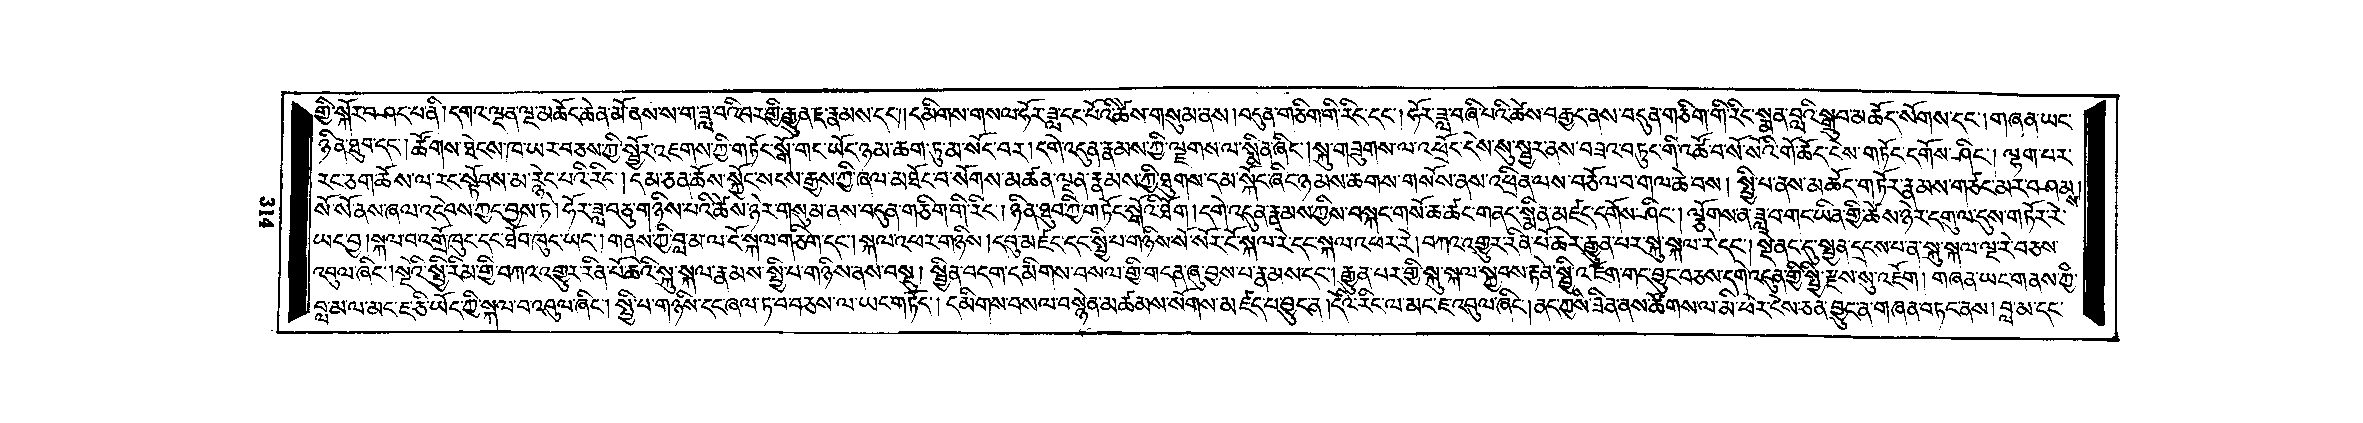གྱི་སྐོར་བཤད་པ་ནི། དགའ་ལྡན་ལྔ་མཆོད་ཆེན་མོ་ནས་ས་ག་ཟླ་བའི་བར་གྱི་རྒྱུན་ཇ་རྣམས་དང་། །དམིགས་གསལ་ཧོར་ཟླ་དང་པོའི་ཚེས་གསུམ་ནས། བདུན་གཅིག་གི་རིང་དང་། ཧོར་ཟླ་བཞི་པའི་ཚེས་བརྒྱད་ནས་བདུན་གཅིག་གི་རིང་སྨན་བླའི་སྒྲུབ་མཆོད་སོགས་དང་། གཞན་ཡང་
ཉིན་ཐུབ་དང་། ཚོགས་ཐེངས་ཁ་ཡར་བཅས་ཀྱི་སྦྱོར་འཇགས་ཀྱི་གཏོང་སྒོ་གང་ཡོང་ཉམ་ཆག་ཏུ་མ་སོང་བར། དགེ་འདུན་རྣམས་ཀྱི་ལྗགས་ལ་སྨིན་ཞིང་། སྐུ་གཟུགས་ལ་འཕྲོད་དེས་སུ་སྦྱར་ནས་བཟའ་བཏུང་གི་འཚོ་བ་སོ་སོའི་གོ་ཆོད་ངེས་གཏོང་དགོས་ཤིང་། ལྷག་པར་
རང་ཅག་ཆོས་ལ་རང་སྟོབས་མ་རྙེད་པའི་རིང་། དམ་ཅན་ཆོས་སྐྱོང་སངས་རྒྱས་ཀྱི་ཞལ་མཐོང་བ་སོགས་མཚན་ལྡན་རྣམས་ཀྱི་ཐུགས་དམ་སྐོང་ཞིང་ཉམས་ཆགས་གསོས་ནས་འཕྲིན་ལས་བཅོལ་བ་གལ་ཆེ་བས། སྤྱི་པ་ནས་མཆོད་གཏོར་རྣམས་གཙང་མར་བཤམས།
སོ་སོ་ནས་ཞལ་འདེབས་ཀྱང་བྱས་ཏེ། ཧོར་ཟླ་བཅུ་གཉིས་པའི་ཚེས་ཉེར་གསུམ་ནས་བདུན་གཅིག་གི་རིང་། ཉིན་ཐུབ་ཀྱི་གཏོང་སྒོའི་ཐོག །དགེ་འདུན་རྣམས་ཀྱིས་བསྐང་གསོ་ཆ་ཚང་གནད་སྨིན་མཛད་དགོས་ཤིང་། ལྕོགས་ན་ཟླ་བ་གང་ཡིན་གྱི་ཚེས་ཉེར་དགུ་ལ་དུས་གཏོར་རེ་
ཡང་བྱ། སྐལ་བ་འགྲོ་ཁུང་དང་ཐོབ་ཁུང་ཡང་། གནས་ཀྱི་བླ་མ་ལ་ངོ་སྐལ་གཅིག་དང་། སྐལ་འཕར་གཉིས། དབུ་མཛད་དང་སྤྱི་པ་གཉིས་སོ་སོར་ངོ་སྐལ་རེ་དང་སྐལ་འཕར་རེ། བཀའ་འགྱུར་རིན་པོ་ཆེར་རྒྱུན་པར་སྐུ་སྐལ་རེ་དང་། སྡེ་ནང་དུ་སྤྱན་དྲངས་པ་ན་སྐུ་སྐལ་ལྔ་རེ་བཅས་
འབུལ་ཞིང་། སྡེའི་སྤྱི་རིམ་གྱི་བཀའ་འགྱུར་རིན་པོ་ཆེའི་སྐུ་སྐལ་རྣམས་སྤྱི་པ་གཉིས་ནས་བསྡུ། སྦྱིན་བདག་དམིགས་བསལ་གྱི་གདན་ཞུ་བྱས་པ་རྣམས་དང་། རྒྱུན་པར་གྱི་སྐུ་སྐལ་སྐྱབས་རྟེན་སྤྱི་འཇོག་གང་བྱུང་བཅས་དགེ་འདུན་གྱི་སྤྱི་རྫས་སུ་འཇོག །གཞན་ཡང་གནས་ཀྱི་
བླ་མ་ལ་མང་ཇ་ཅི་ཡོད་ཀྱི་སྐལ་བ་འབུལ་ཞིང་། སྤྱི་པ་གཉིས་དང་ཞལ་ཏ་བ་བཅས་ལ་ཡང་གཏོད། དམིགས་བསལ་བསྙེན་མཚམས་སོགས་མཛད་པ་བྱུང་ན། དེའི་རིང་ལ་མང་ཇ་འབུལ་ཞིང་། ནད་ཀྱིས་ཟིན་ནས་ཚོགས་ལ་མི་ཕེར་ངེས་ཅན་བྱུང་ན་གཞན་བཏང་ནས། བླ་མ་དང་